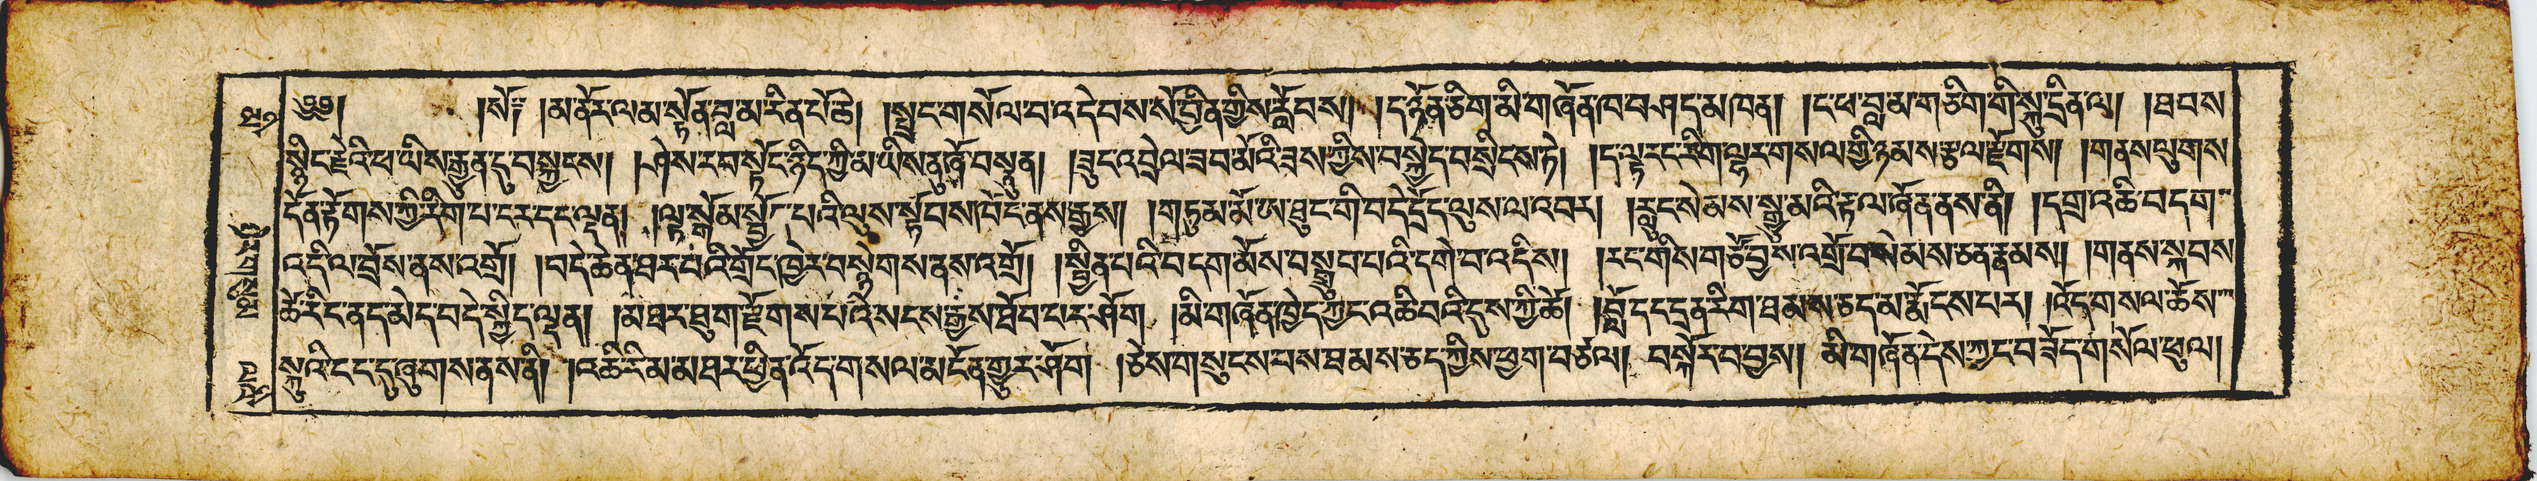སོ། །མ་ནོར་ལམ་སྟོན་བླ་མ་རིན་པོ་ཆེ། །སྤྲང་གསོལ་བ་འདེབས་སོ་བྱིན་གྱིས་རློབས། །ད་ཉོན་ཅིག་མི་གཞོན་ཁ་བཤད་མཁན། །ང་ཕ་བླམ་གཅིག་གི་སྐུ་དྲིན་ལ། །ཐབས་
སྙིང་རྗེའི་ཕ་ཡིས་རྒྱུན་དུ་བསྐྱངས། །ཤེས་རབ་སྟོང་ཉིད་ཀྱི་མ་ལས་ནུ་ཞོ་བསྣུན། །ཟུང་འབྲེལ་ཟབ་མོའི་ཟས་ཀྱིས་བསྐྱེད་བསྲིངས་ཏེ། །ད་ལྟ་རང་རིག་ལྷར་གསལ་གྱི་ཉམས་རྩལ་རྫོགས། །གནས་ལུགས་
དོན་རྟོགས་ཀྱི་རིག་པ་ངར་དང་ལྡན། །ལྟ་སྒོམ་སྤྱོད་པའི་ལུས་སྟོབས་ཁོང་ནས་རྒྱས། །གཏུམ་མོ་ཨ་ཐུང་གི་བདེ་དྲོད་ལུས་ལ་འབར། །རླུང་སེམས་སྒྱུ་མའི་རྟ་ལ་ཞོན་ནས་ནི། །དགྲ་འཆི་བདག་
འདི་ལ་བྲོས་ནས་འགྲོ། །བདེ་ཆེན་ཐར་བའི་གྲོང་ཁྱེར་བསྙེགས་ནས་འགྲོ། །སྦྱིན་པའི་བདག་མོས་བསྒྲུབ་པའི་དགེ་བ་འདིས། །རང་གིས་གཙོ་བྱས་འགྲོ་བ་སེམས་ཅན་རྣམས། །གནས་སྐབས་
ཚེ་རིང་ནད་མེད་བདེ་སྐྱིད་ལྡན། །མཐར་ཐུག་རྫོགས་པའི་སངས་རྒྱས་ཐོབ་པར་ཤོག །མི་གཞོན་ཁྱེད་ཀྱང་འཆི་བའི་དུས་ཀྱི་ཚེ། །བློ་དང་དྲན་རིག་ཐམས་ཅད་མ་རྨོངས་པར། །འོད་གསལ་ཆོས་
སྐུའི་ངང་དུ་ཞུགས་ནས་ནི། །འཆི་རིམ་མཐར་ཕྱིན་འོད་གསལ་མངོན་གྱུར་ཤོབ། །ཅེས་གསུངས་པས་ཐམས་ཅད་ཀྱིས་ཕྱག་བཙལ། བསྐོར་བ་བྱས། མི་གཞོན་དེས་ཀྱང་བཟོད་གསོལ་ཕུལ།